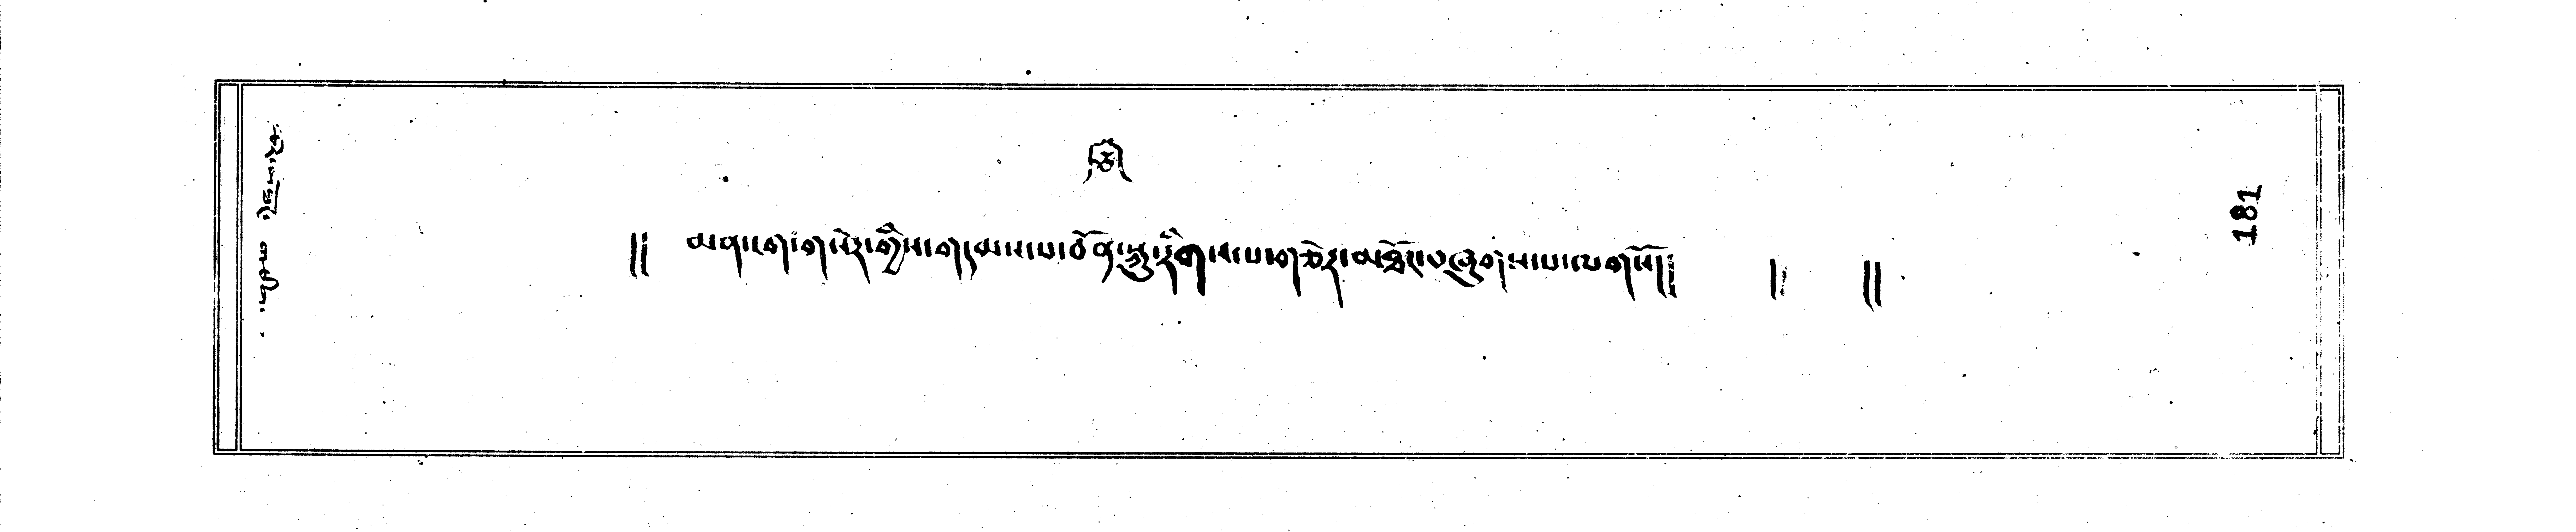།།མན་ངག་གསེར་གྱི་གདམས་པ་བོན་སྐུ་རིག་པ་གཅེར་མཐོང་བཞུགས་པ་ལགས་སོ།།